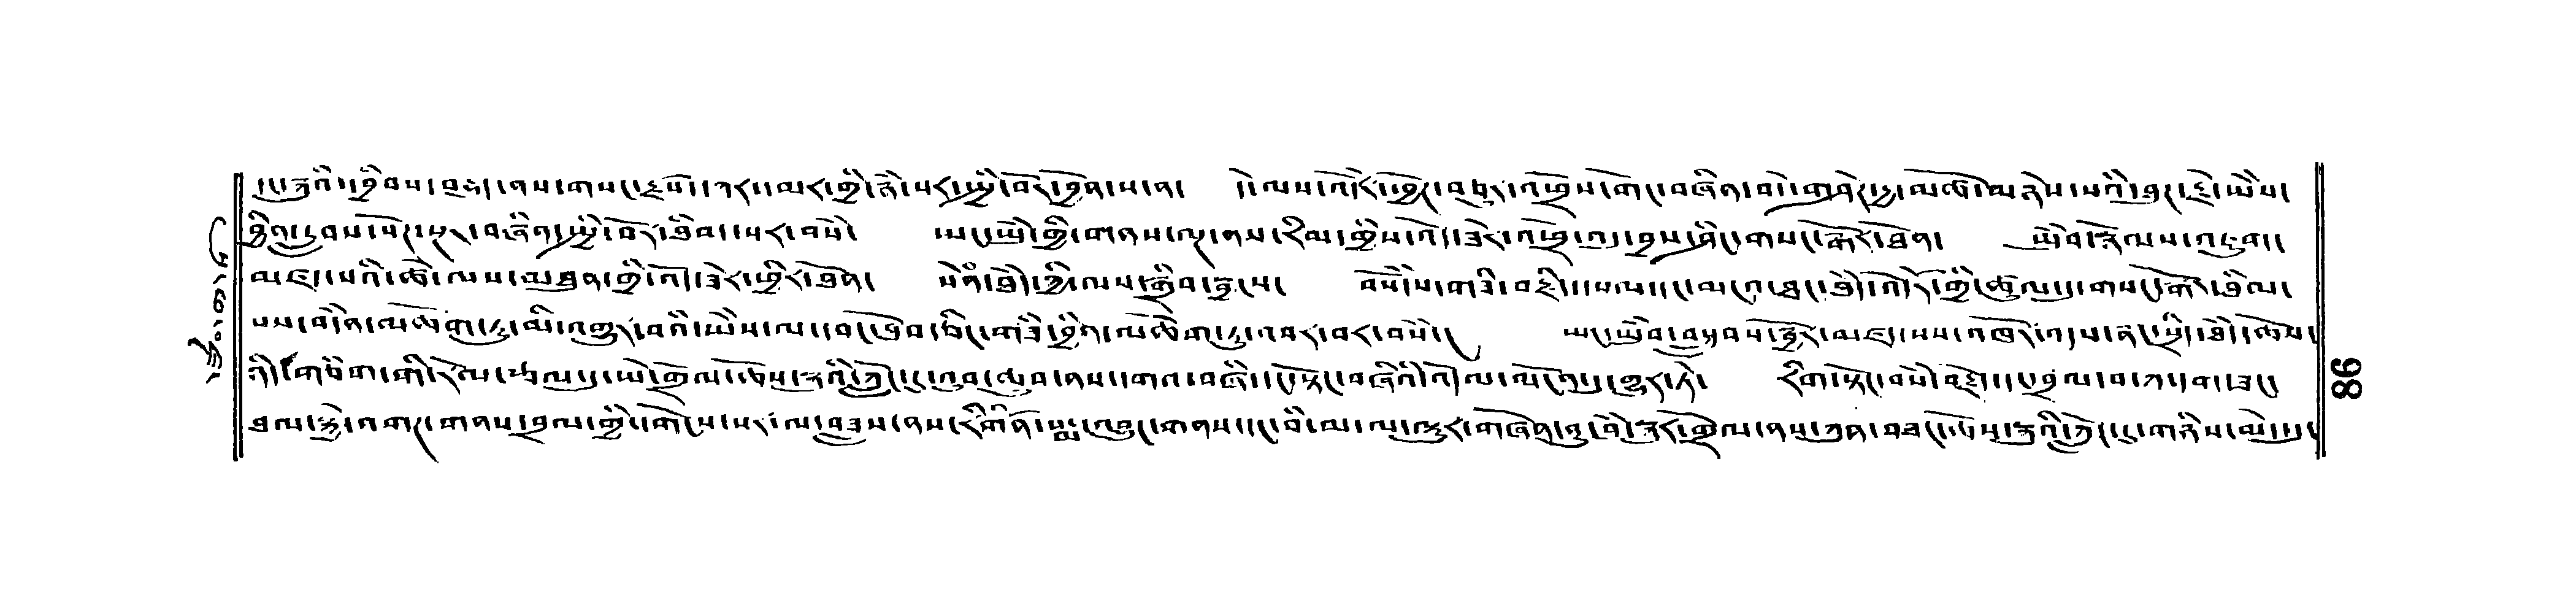དང་སྐུའི་དབྱིབས་བརྒྱུད་ནས་གསང་རྫས་དཀར་དམར་གྱི་རྣམ་པར་སྤྱི་བོར་བྱོན་པ་ན། དེ་ལས་འོད་ཟེར་ཕྱོགས་བཅུར་འཕྲོས་གོང་བཞིན་བདེ་གཤེགས་རྒྱ་མཚོ་མཉེས་པའི་ཐུགས་རྗེ་ཡེ་ཤེས་
བྱིན་རླབས་སོགས་སྔར་བཞིན་སྤྱི་བོར་ཐིམ་པར་བསམ། ཡང་ཡུམ་གྱི་གནས་ལྔ་ནས་རིམ་གྱིས་འོད་ཟེར་འཕྲོ་འདུ་བྱས་ཤིང་གསང་སྒོར་ཐོན། ཡབ་ཡུམ་སྙོམས་འཇུག་
མཛད་པའི་ཚེ་ལས་མཐུན་གྱི་འོད་ཟེར་ཕྱིར་ཐོན། སེམས་ཅན་ཐམས་ཅད་ཀྱི་ལས་སྒྲིབ་སྦྱངས། བསོད་ནམས་གཟི་བརྗིད་དཔལ་དང་མངའ་ཐང་ཐམས་ཅད་འོད་ཟེར་གྱི་ཚུལ་དུ་གསང་སྒོར་ཐིམ་
པས་བདེ་ཆེན་མཆོག་ཏུ་མི་འགྱུར་བའི་ཡེ་ཤེས་ལ་དབང་ཐོབ་ཅིང་གཟི་བྱིན་མཆོག་ཏུ་འབར་བར་བསམ། ཡང་ཡབ་ཡུམ་བསྲུབས་སྦྱོར་མཛད་པས་འཁོར་འདས་སྣང་སྲིད་ཐམས་ཅད་ཆོས་
ཉིད་གཅིག་གི་རོལ་རྩལ་དུ་ཡེ་གྲོལ་ཆོས་སྐུའི་ཀློང་དུ་འུབ་ཆུབ་ནས་དགའ་བཞི་དང་སྟོང་བཞིའི་འོད་གསལ་མངོན་དུ་གྱུར་ཏེ། རིག་སྟོང་བསམ་བརྗོད་དང་བྲལ་བ་ཀ་དག་ཟང་
ཐལ་སྐྱེ་འགག་གནས་བྲལ་གྱི་དགོངས་པར་ལ་བཟླས་ནས་རིག་འཛིན་པདྨ་འབྱུང་གནས་དག་བི་མ་ལ་ལྟ་བུར་གཞོན་ནུ་བུམ་སྐུར་གྲོལ་ནས་ཀུན་བཟང་ཆོས་སྐུའི་ཀློང་དུ་གཉིས་མེད་དུ་